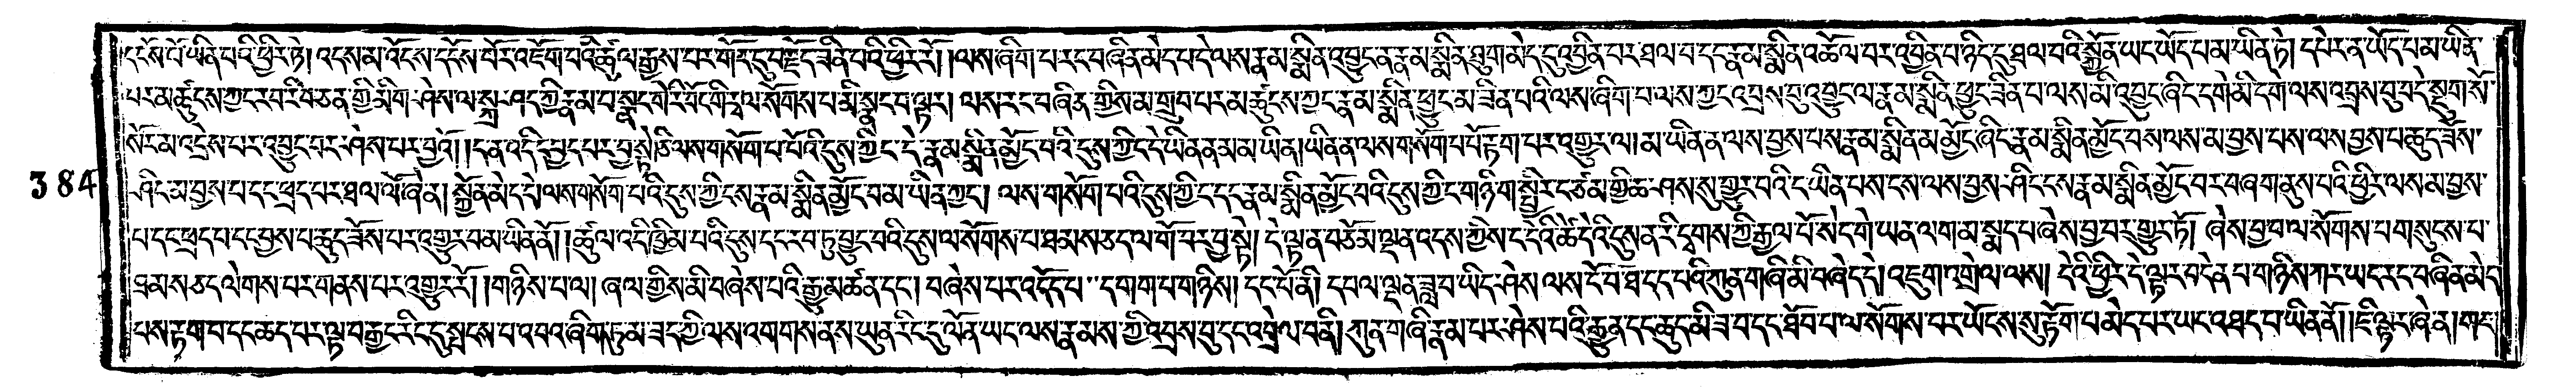དངོས་པོ་ཡིན་པའི་ཕྱིར་ཏེ། འདས་མ་འོངས་དངོས་པོར་འཇོག་པའི་ཚུལ་རྒྱས་པར་གོང་དུ་བརྗོད་ཟིན་པའི་ཕྱིར་རོ། །ལས་ཞིག་པ་རང་བཞིན་མེད་པ་དེ་ལས་རྣམ་སྨིན་འབྱུང་ན་རྣམ་སྨིན་ཐུག་མེད་དུ་འབྱིན་པར་ཐལ་བ་དང་རྣམ་སྨིན་འཆོལ་བར་འབྱིན་པ་ཉིད་དུ་ཐལ་བའི་སྐྱོན་ཡང་ཡོད་པ་མ་ཡིན་ཏེ། དཔེར་ན་ཡོད་པ་མ་ཡིན་
པར་མཚུངས་ཀྱང་རབ་རིབ་ཅན་གྱི་མིག་ཤེས་ལ་སྐྲ་ཤད་ཀྱི་རྣམ་པ་སྣང་གོ་རི་བོང་གི་རྭ་ལ་སོགས་པ་མི་སྣང་བ་ལྟར། ལས་རང་བཞིན་གྱིས་མ་གྲུབ་པར་མཚུངས་ཀྱང་རྣམ་སྨིན་ཕྱུང་མ་ཟིན་པའི་ལས་ཞིག་པ་ལས་ཀྱང་འབྲས་བུ་འབྱུང་ལ་རྣམ་སྨིན་ཕྱུང་ཟིན་པ་ལས་མི་འབྱུང་ཞིང་དགེ་མི་དགེ་ལས་འབྲས་བུ་བདེ་སྡུག་སོ་
སོར་མ་འདྲེས་པར་འབྱུང་བར་ཤེས་པར་བྱའོ། །ད་ན་འདི་དཔྱད་པར་བྱ་སྟེ། ཅི་ལས་གསོག་པ་པོའི་དུས་ཀྱི་ང་དེ་རྣམ་སྨིན་མྱོང་བའི་དུས་ཀྱི་ང་དེ་ཡིན་ནམ་མ་ཡིན། ཡིན་ན་ལས་གསོག་པ་པོ་རྟག་པར་འགྱུར་ལ། མ་ཡིན་ན་ལས་བྱས་པས་རྣམ་སྨིན་མ་མྱོང་ཞིང་རྣམ་སྨིན་མྱོང་བས་ལས་མ་བྱས་པས་ལས་བྱས་པ་ཆུད་ཟོས་
ཤིང་མ་བྱས་པ་དང་ཕྲད་པར་ཐལ་ལོ་ཞེ་ན། སྐྱོན་མེད་དེ། ལས་གསོག་པའི་དུས་ཀྱི་ངས་རྣམ་སྨིན་མྱོང་བ་མ་ཡིན་ཀྱང་། ལས་གསོག་པའི་དུས་ཀྱི་ང་དང་རྣམ་སྨིན་མྱོང་བའི་དུས་ཀྱི་ང་གཉི་ག་སྤྱིར་ང་ཙམ་གྱི་ཆ་ཤས་སུ་གྱུར་བའི་ང་ཡིན་པས་ངས་ལས་བྱས་ཤིང་ངས་རྣམ་སྨིན་མྱོང་བར་བཞག་ནུས་པའི་ཕྱིར་ལས་མ་བྱས་
པ་དང་ཕྲད་པ་དང་བྱས་པ་ཆུད་ཟོས་པར་འགྱུར་བ་མ་ཡིན་ནོ། །ཚུལ་འདི་ཁྱིམ་པའི་དུས་དང་རབ་ཏུ་བྱུང་བའི་དུས་ལ་སོགས་པ་ཐམས་ཅད་ལ་གོ་བར་བྱ་སྟེ། དེ་ལྟ་ན་བཅོམ་ལྡན་འདས་ཀྱིས་ང་དེའི་ཚེ་དེའི་དུས་ན་རི་དྭགས་ཀྱི་རྒྱལ་པོ་སེང་གེ་ཡན་ལག་མ་སྨད་པ་ཞེས་བྱ་བར་གྱུར་ཏོ། ཞེས་བྱ་བ་ལ་སོགས་པ་གསུངས་པ་
ཐམས་ཅད་ལེགས་པར་གནས་པར་འགྱུར་རོ། །གཉིས་པ་ལ། ཞལ་གྱིས་མི་བཞེས་བའི་རྒྱུ་མཚན་དང་། བཞེས་པར་འདོད་པ་དགག་པ་གཉིས། དང་པོ་ནི། དཔལ་ལྡན་བླ་བ་ཡིད་ཤེས་ལས་ངོ་བོ་ཐ་དད་པའི་ཀུན་གཞི་མི་བཞེད་དེ། འཇུག་འགྲེལ་ལས། དེའི་ཕྱིར་དེ་ལྟར་བདེན་པ་གཉིས་ཀར་ཡང་རང་བཞིན་མེད་
བས་རྟག་པ་དང་ཆད་པར་ལྟ་བ་རྒྱང་རིང་དུ་སྤངས་པ་འབའ་ཞིག་ཏུ་མ་ཟད་ཀྱི་ལས་འགགས་ནས་ཡུན་རིང་དུ་ལོན་ཡང་ལས་རྣམས་ཀྱི་འབྲས་བུ་དང་འབྲེལ་བ་ནི། ཀུན་གཞི་རྣམ་པར་ཤེས་པའི་རྒྱུན་དང་ཆུད་མི་ཟ་བ་དང་ཐོབ་པ་ལ་སོགས་པར་ཡོངས་སུ་རྟོག་པ་མེད་པར་ཡང་འཐད་པ་ཡིན་ནོ། །ཇི་ལྟར་ཞེ་ན། གང་